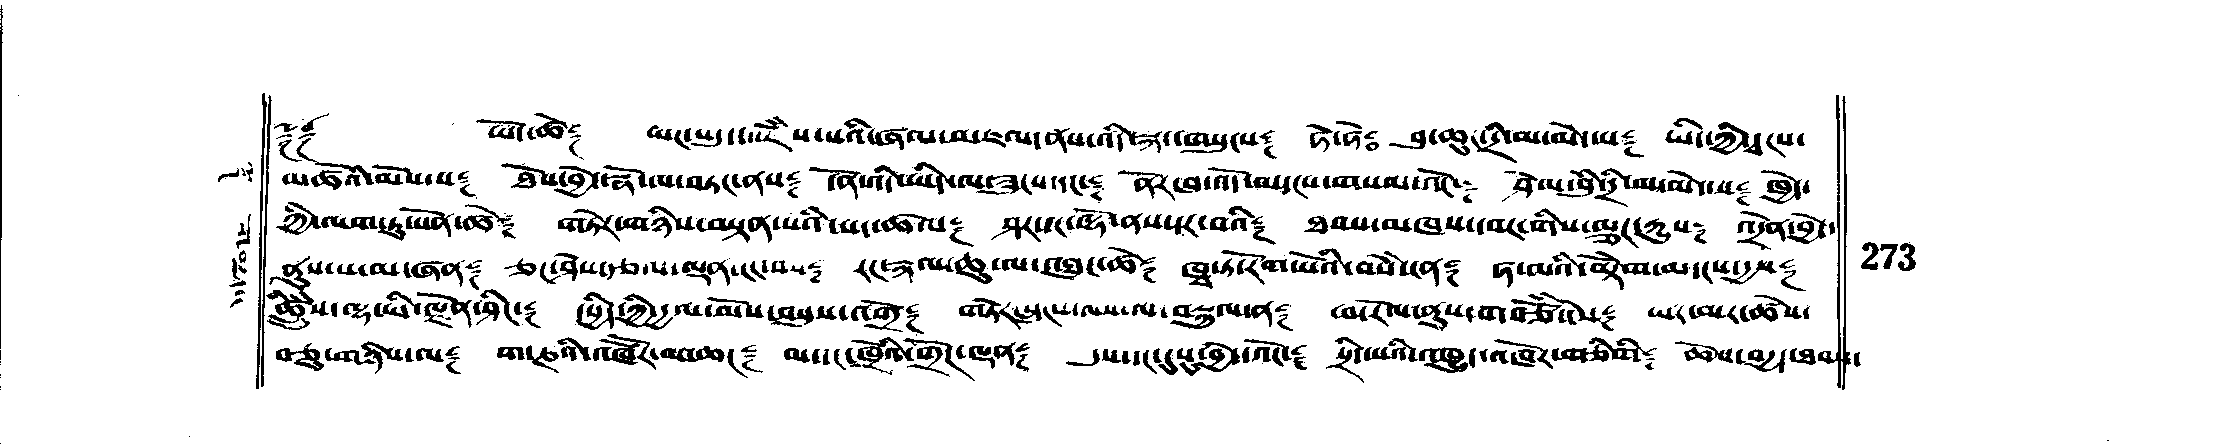ཡོད་ཚེ། ཡང་བདུད་འཇོམས་པའི་ཞལ་མཇལ་ནས་འདི་སྐད་གསུངས། ཧོ་ཧོཿ བུ་ཆུང་དྲི་མ་མེད་པ། །ཡིད་ཀྱི་དྭངས་
མཚོའི་མོས་པ། །ཐོས་བྱེད་སྣོ་༼སྣེ་?༽ལ་བཏང་ནས། །དོན་འདི་ཡིད་ལ་ཟུངས་དང་། །ནོར་བུ་འོད་མདངས་གསལ་འོང་། །ཤེལ་བུམ་དྲི་མ་མེད་པ། ཁྱོད་
ཀྱི་ལག་ཏུ་སོན་ཚེ། །གཏེར་གཉིས་བསྟན་པའི་པད་ཚལ། །ཤར་དང་ལྷོ་ནས་དར་བའི། །ཐབས་མཁས་དབང་གིས་ལྕགས་ཀྱུས། །འདྲེན་བྱེད་
ནུས་པ་མ་ཞན། །ཅང་ཤེས་རྩལ་ལྡན་ངང་པས། །རང་སྐལ་ཆུ་ལ་འཐུང་ཚེ།ཁྭ་ཏ་རོག་པོའི་བསམ་ངན། །ཧ་ལའི་མེ་ཏོག་མདངས་རྒྱས། །
ཚུལ་ཁྲིམས་ལྷ་ཡི་ལྗོན་ཤིང་། །དཔྱིད་ཀྱི་རྒྱལ་མོས་བསུས་འགྲོ། །གཏེར་སྲུངས་ལས་ལ་བསྐུལ་ན། །ཕ་རོལ་ནུས་པ་བཅོམ་ངེས། །ཡར་མར་ཚེས་
བཅུ་གཉིས་ལ། །ག་ཎའི་འཁོར་ལོ་མ་ཆགས། །མ་དང་མཁའ་འགྲོའི་གྲོགས་ལྡན། །དུས་དང་དུས་སུ་བྱེད་འོང་། །སྲིད་པའི་འཁྱུད་འཁོར་གཅིག་གི། །ཆོས་བརྒྱད་ཐབས་